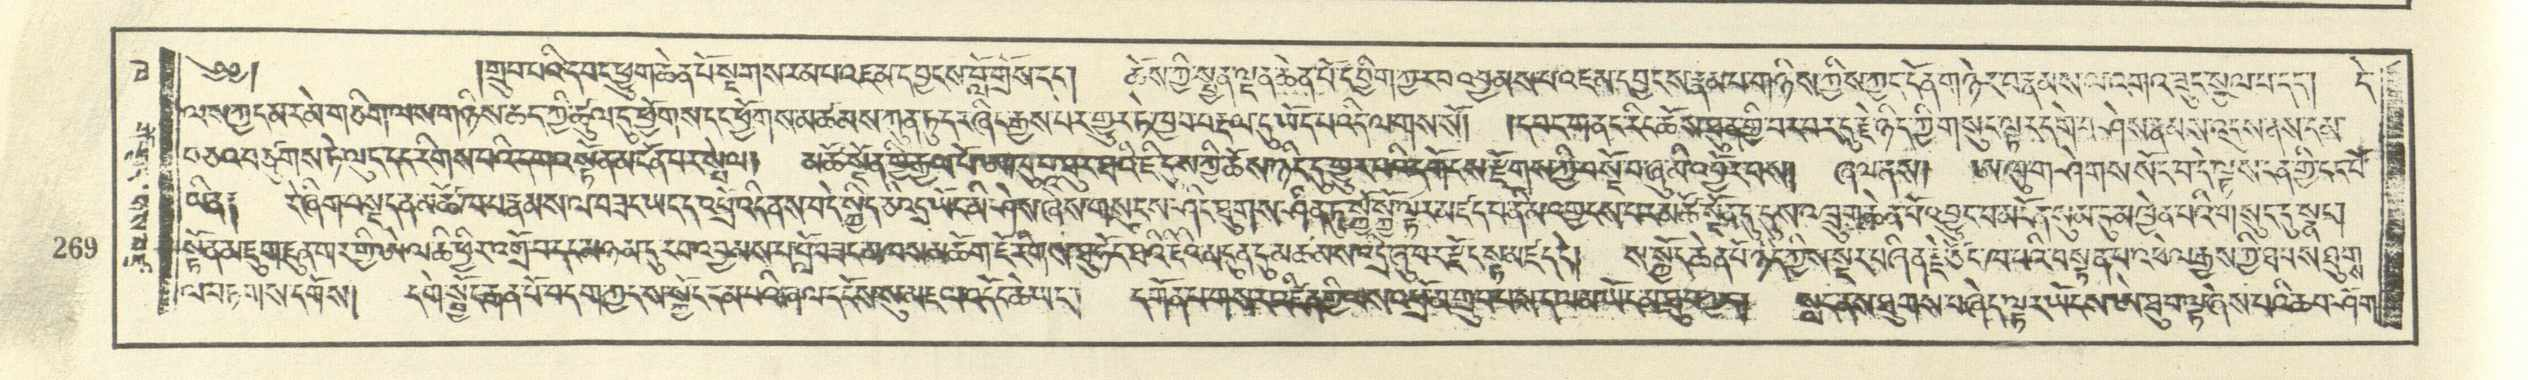༄༅། །གྲུབ་པའི་དབང་ཕྱུག་ཆེན་པོ་སྔགས་རམ་པ་འཇམ་དབྱངས་བློ་གྲོས་དང་། ཆོས་ཀྱི་སྤྱན་ལྡན་ཆེན་པོ་དབྱིག་ཀྱ་རབ་འབྱམས་པ་འཇམ་དབྱངས་རྣམ་པ་གཉིས་ཀྱིས་ཀྱང་དོན་གཉེར་བ་རྣམས་ལ་འགའ་ཟུང་སྩལ་པ་དང་། དེ་
ལས་ཀྱང་མར་མེ་གཅིག་ལས་གཉིས་ཆད་ཀྱི་ཚུལ་དུ་ཕྱོགས་དང་ཕྱོགས་མཚམས་ཀུན་ཏུ་དར་ཞིང་རྒྱས་པར་གྱུར་ཏེ་ཁྱབ་བརྡལ་དུ་ཡོད་པ་འདི་ལགས་སོ། །དབང་གནང་རིང་ཆོས་ཐུན་གྱི་བར་བར་དུ་རྗེ་ཉིད་ཀྱི་གསུང་ལྟར་དགེ་བཤེས་རྣམས་འདུས་ནས་དམ་
བཅའ་བཙུགས་ཏེ་ལུང་དང་རིགས་པའི་དགའ་སྟོན་མངོན་པར་སྤེལ། མཚོ་སྔོན་གྱི་རྒྱལ་པོ་ཨ་ཁུ་བཱ་ཐུར་ཐའི་ཇི་དུས་ཀྱི་ཆོས་ཉིད་དུ་གྱུར་པའི་དགོངས་རྫོགས་ཀྱི་བསྔོ་བ་ཞུ་མི་འབྱོར་བས། ཞལ་ནས། ཨ་ཁུ་གཤེགས་སོང་བ་དེ་ལྟས་ངན་གྱི་དང་པོ་
ཡིན༑ རེ་ཞིག་བསྡད་ན་མཚོ་ཁ་པ་རྣམས་ལ་བཟང་ཡང་ད་འཕྲོ་འདི་ནས་བདེ་སྐྱིད་ཅི་འདྲ་ཡོང་མི་ཤེས་ཞེས་གསུངས་ཤིང་ཐུགས་ཤིན་ཏུ་སྐྱོ་སྐྱོ་ལྟར་མཛད་པ་ནི་མ་འགྱངས་པར་མཚོ་སྔོན་དུ་དུས་འཁྲུག་ཆེན་པོ་འབྱུང་པ་མངོན་སུམ་དུ་མཁྱེན་པའི་གསུང་དུ་སྣང་།
སྟོན་མཇུག་ཇུན་གར་གྱི་ཨེལ་ཆི་ཕྱིར་འགྲོ་པ་དང་མཉམ་དུ་རབ་འབྱམས་པ་བློ་བཟང་མཁས་མཆོག་ཇོ་རིགས་ཐུ་ཧོང་ཐའི་ཇིའི་མདུན་དུ་མཚམས་འདྲི་ཞུ་བར་རྫོང་སྟ་མཛད་དེ། ས་སྐྱོང་ཆེན་པོ་ཉིད་ཀྱིས་སྔར་བཞིན་རྗེ་ཙོང་ཁ་པའི་བསྟན་པ་འཕེལ་རྒྱས་ཀྱི་ཐབས་ཐུགས་
ལ་བཏགས་དགོས། དགེ་སྦྱོང་རྒན་པོ་བདག་ཀྱང་ས་སྐྱོང་དམ་པའི་ཞལ་དངོས་སུ་མཇལ་འདོང་ཆེ་ཡང་། དགོན་པ་གསར་འཛིན་གྱི་ལས་འཕྲོ་མ་གྲུབ་པས་ད་ལམ་ཡོང་མ་ཐུབ་ཀྱང་། སླད་ནས་ཐུགས་བཞེད་ལྟར་ཡོངས་ཨེ་ཐུབ་ལྟ་ཞེས་པའི་ཆབ་ཤོག་